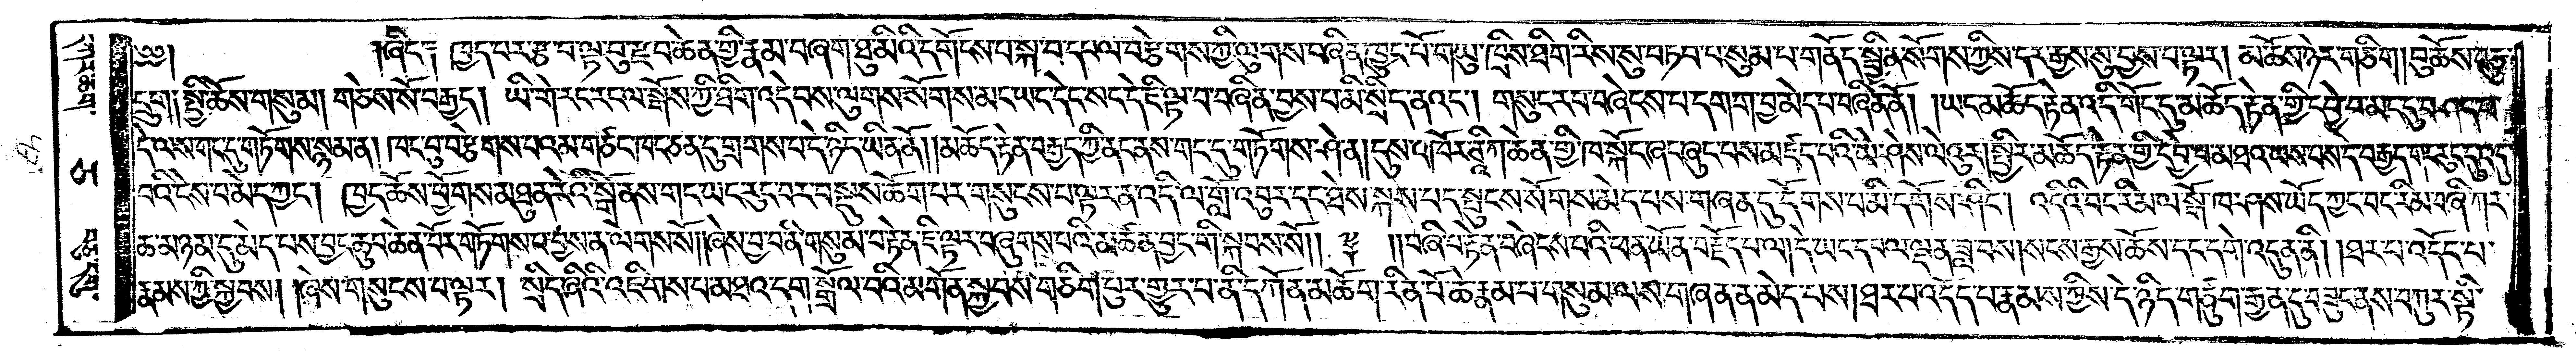༄༅། །ཞིང༑ ཁྱད་པར་རྩ་བ་ལྟ་བུ་རྫབ་ཆེན་གྱི་རྣམ་བཞག་ཐུ་མིའི་དགོངས་པ་སྐ་བ་དཔལ་བརྩེགས་ཀྱི་ལུགས་བཞིན་ཁྱུང་པོ་གཡུ་ཁྲིས་ཐིག་རིས་སུ་བཏབ་པ་སུམ་པ་གནོད་སྦྱིན་སོགས་ཀྱིས་དར་རྒྱས་སུ་བྱས་པ་ལྟར། མཆོས་ཉེར་གཅིག། བུ་ཆོས་
དྲུག༑ སྤྱི་ཆོས་གསུམ། གཅེས་སོ་བརྒྱད། ཡི་གེ་རང་རང་ལ་སྒོས་ཀྱི་ཐིག་འདེབས་ལུགས་སོགས་མང་ཡང་དེང་སང་དེ་ཇི་ལྟ་བ་བཞིན་བྱས་པ་མི་སྲིད་ནའང་། གསུང་རབ་བཞེངས་པ་དགག་བྱ་མེད་པ་བཞིན་ནོ། །ཡང་མཆོད་རྟེན་འདི་གོང་དུ་མཆོད་རྟེན་གྱི་དབྱེ་བ་མང་དུ་བཤད་པ་
དེ་ལས་གང་དུ་གཏོགས་སྙམ་ན། ཁང་བུ་བརྩེགས་པའམ་གཙང་ཁང་ཅན་དུ་གྲགས་བ་དེ་ཉིད་ཡིན་ནོ། །མཆོད་རྟེན་བརྒྱད་ཀྱི་ནང་ནས་གང་དུ་གཏོགས་ཤེ་ན། དུས་འཁོར་ཊཱིཀ་ཆེན་གྱི་ཁ་སྐོང་ཞང་ཞུང་བས་མཛད་པའི་ཡེ་ཤེས་ལེའུར། སྤྱིར་མཆོད་རྟེན་གྱི་དབྱེ་བ་མཐའ་ཡས་བས་དེ་བརྒྱད་གང་རུང་དུ་འདུ་
བའི་ངེས་བ་མེད་ཀྱང་། ཁྱད་ཆོས་ཕྱོགས་མཐུན་རེའི་སྒོ་ནས་གང་ཡང་རུང་བར་བསྡུས་ཆོག་པར་གསུངས་བ་ལྟར་ན་འདི་ལ་གློ་འབུར་དང་ཐེས་སྐས་པད་སྤུངས་སོགས་མེད་པས་གཞན་དུ་དོགས་པ་མི་དགོས་ཤིང་། འདིའི་བང་རིམ་ལ་སྒོ་ཁ་ཤས་ཡོད་ཀྱང་བང་རིམ་བཞི་ཀར་
ཆ་མཉམ་དུ་མེད་པས་བྱང་ཆུབ་ཆེན་པོར་གཏོགས་པ་བྱས་ན་ལེགས་སོ། །ཞེས་བྱ་བ་ནི་གསུམ་པ་རྟེན་ཇི་ལྟར་བཞུགས་པའི་མཚན་བྱང་གི་སྐབས་སོ།། ༈ །།བཞི་བརྟེན་བཞེངས་བའི་ཕན་ཡོན་བརྗོད་པ་ལ། དེ་ཡང་དཔལ་ལྡན་ཟླ་བས། སངས་རྒྱས་ཆོས་དང་དགེ་འདུན་ནི། །ཐར་པ་འདོད་པ་
རྣམས་ཀྱི་སྐྱབས། །ཞེས་གསུངས་པ་ལྟར། སྲིད་ཞིའི་འཇིགས་པ་མཐའ་དག་སྒྲོལ་བའི་མགོན་སྐྱབས་གཅིག་པུར་གྱུར་བ་ནི་དཀོན་མཆོག་རིན་པོ་ཆེ་རྣམ་པ་གསུམ་ལས་གཞན་ན་མེད་པས་།ཐར་པ་འདོད་པ་རྣམས་ཀྱིས་དེ་ཉིད་གཙུག་རྒྱན་དུ་བཟུང་ནས་བཀུར་སྟི་